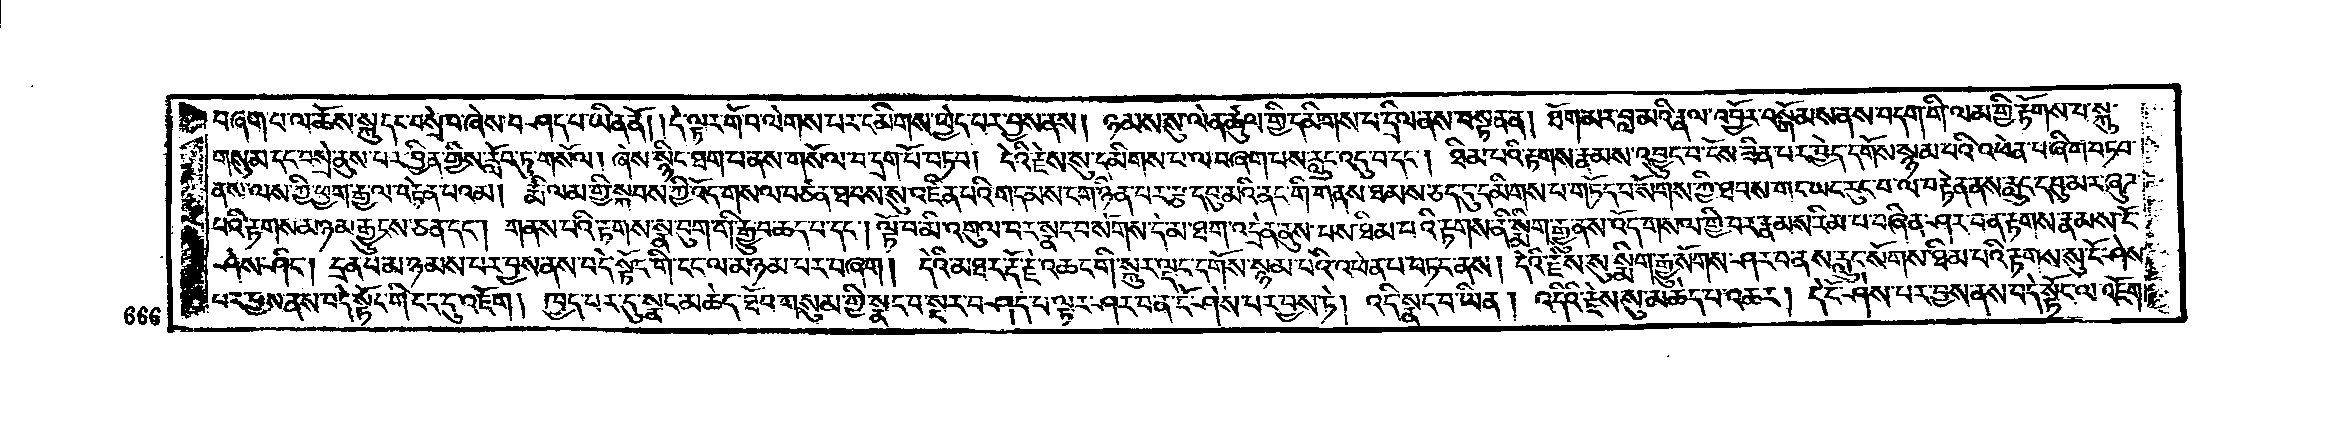བཞག་པ་ལ་ཆོས་སྐུ་དང་བསྲེ་བ་ཞེས་བཤད་པ་ཡིན་ནོ། །དེ་ལྟར་གོ་བ་ལེགས་པར་དམིགས་ཕྱེད་པར་བྱས་ནས། ཉམས་སུ་ལེན་ཚུལ་གྱི་དམིགས་པ་དྲིལ་ནས་བསྟན་ན། ཐོག་མར་བླ་མའི་རྣལ་འབྱོར་བསྒོམས་ནས་བདག་གི་ལམ་གྱི་རྟོགས་པ་སྐུ་
གསུམ་དང་བསྲེ་ནུས་པར་བྱིན་གྱིས་རློབ་ཏུ་གསོལ། ཞེས་སྙིང་ཐག་པ་ནས་གསོལ་བ་དྲག་པོ་བཏབ། དེའི་རྗེས་སུ་དམིགས་པ་ལ་བཞག་པས་རླུང་འདུ་བ་དང་། ཐིམ་པའི་རྟགས་རྣམས་འབྱུང་བ་ངོས་ཟིན་པར་བྱེད་དགོས་སྙམ་པའི་འཕེན་པ་ཞིག་བཏང་
ནས་ལས་ཀྱི་ཕྱག་རྒྱ་ལ་བརྟེན་པའམ། རྨི་ལམ་གྱི་སྐབས་ཀྱི་འོད་གསལ་བཙན་ཐབས་སུ་འཛིན་པའི་གདམས་ངག་ཉིན་པར་རྩ་དབུ་མའི་ནང་གི་གནས་ཐམས་ཅད་དུ་དམིགས་པ་གཏོད་པ་སོགས་ཀྱི་ཐབས་གང་ཡང་རུང་བ་ལ་བརྟེན་ནས་རླུང་དབུ་མར་ཞུགས་
པའི་རྟགས་མཉམ་རྒྱུངས་ཅན་དང་། གནས་པའི་རྟགས་སྣ་བུག་གི་རྒྱུ་བ་ཆད་པ་དང་། ལྟོ་བ་མི་འགུལ་བར་སྣང་བ་སོགས་དེ་མ་ཐག་འདྲེན་ནུས་པས་ཐིམ་པའི་རྟགས་ནི་སྨིག་རྒྱུ་ནས་འོད་གསལ་གྱི་བར་རྣམས་རིམ་པ་བཞིན་ཤར་བ་ན་རྟགས་རྣམས་
ཤེས་ཤིང་། དྲན་པ་མ་ཉམས་པར་བྱས་ནས་བདེ་སྟོང་གི་ངང་ལ་མཉམ་པར་བཞག །དེའི་མཐར་རྡོ་རྗེ་འཆང་གི་སྐུར་ལྡང་དགོས་སྙམ་པའི་འཕེན་པ་བཏང་ནས། དེའི་རྗེས་སུ་སྨིག་རྒྱུ་སོགས་ཤར་བ་ན་ས་རླུང་སོགས་ཐིམ་པའི་རྟགས་སུ་ངོ་ཤེས་
པར་བྱས་ནས་བདེ་སྟོང་གི་ངང་དུ་འཇོག །ཁྱད་པར་དུ་སྣང་མཆེད་ཐོབ་གསུམ་གྱི་སྣང་བ་སྔར་བཤད་པ་ལྟར་ཤར་བ་ན་ངོ་ཤེས་པར་བྱས་ཏེ། འདི་སྣང་བ་ཡིན། འདིའི་རྗེས་སུ་མཆེད་པ་འཆར། དེ་ངོ་ཤེས་པར་བྱས་ནས་བདེ་སྟོང་ལ་འཇོག་